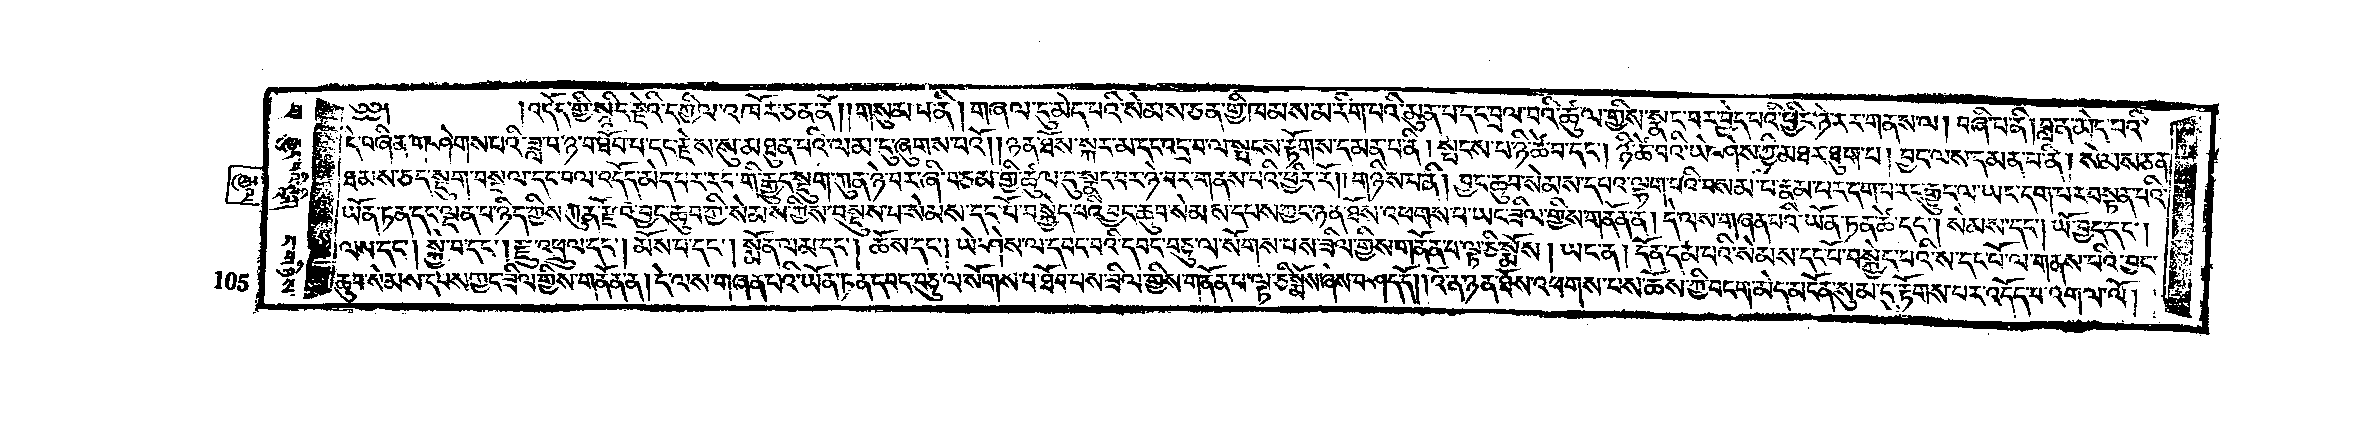༄༅། །འདོད་ཀྱི་སྙིང་རྗེའི་དཀྱིལ་འཁོར་ཅན་ནོ། །གསུམ་པ་ནི། གཞལ་དུ་མེད་པའི་སེམས་ཅན་གྱི་ཁམས་མ་རིག་པའི་མུན་པ་དང་བྲལ་བའི་ཚུལ་གྱིས་སྣང་བར་བྱེད་པའི་ཕྱིར་ཉེར་ར་གནས་ལ། བཞི་པ་ནི། བླ་ན་མེད་པའི་
དེ་བཞིན་གཤེགས་པའི་ཟླ་བ་ཉ་བ་ཐོབ་པ་དང་རྗེས་སུ་མཐུན་པའི་ལམ་དུ་ཞུགས་པའོ། །ཉན་ཐོས་སྐར་མ་དང་འདྲ་བ་ལ་སྤངས་རྟོགས་དམན་པ་ནི། སྤངས་པ་ཉི་ཚེ་བ་དང་། ཉི་ཚེ་བའི་ཡེ་ཤེས་ཀྱི་མཐར་ཐུག་པ། བྱང་ལས་དམན་པ་ནི། སེམས་ཅན་
ཐམས་ཅད་སྡུག་བསྔལ་དང་བལ?་འདོད་མེད་པར་རང་གི་རྒྱུད་སྡུག་ཀུན་ཉེ་བར་ཞི་བ་ཙམ་གྱི་ཚུལ་དུ་སྣང་བར་ཉེ་བར་གནས་པའི་ཕྱིར་རོ། །གཉིས་པ་ནི། བྱང་ཆུབ་སེམས་དཔའ་ལྷག་པའི་བསམ་པ་རྣམ་པར་དག་པ་རང་རྒྱུད་ལ་ཡང་དག་པར་བསྟན་པའི་
ཡོན་ཏན་དང་ལྡན་པ་ཉིད་ཀྱིས་ཀུན་རྫོབ་བྱང་ཆུབ་ཀྱི་སེམས་ཀྱིས་བསྡུས་པ་སེམས་དང་པོ་བསྐྱེད་པའི་བྱང་ཆུབ་སེམས་དཔས་ཀྱང་ཉན་ཐོས་འཕགས་པ་ཡང་ཟིལ་གྱིས་གནོན་ན། དེ་ལས་གཞན་པའི་ཡོན་ཏན་ཚེ་དང་། སེམས་དང་། ཡོ་བྱད་དང་།
ལས་དང་། སྐྱེ་བ་དང་། རྫུ་འཕྲུལ་དང་། མོས་པ་དང་། སྨོན་ལམ་དང་། ཆོས་དང་། ཡེ་ཤེས་ལ་དབང་བའི་དབང་བཅུ་ལ་སོགས་པས་ཟིལ་གྱིས་གནོན་པ་ལྟ་ཅི་སྨོས། ཡང་ན། དོན་དམ་པའི་སེམས་དང་པོ་བསྐྱེད་པའི་ས་དང་པོ་ལ་གནས་པའི་བྱང་
ཆུབ་སེམས་དཔས་ཀྱང་ཟིལ་གྱིས་གནོན་ན། དེ་ལས་གཞན་པའི་ཡོན་ཏན་དབང་བཅུ་ལ་སོགས་པ་ཐོབ་པས་ཟིལ་གྱིས་གནོན་པ་ལྟ་ཅི་སྨོས་ཞེས་བཤད་དོ། །འོ་ན་ཉན་ཐོས་འཕགས་པས་ཆོས་ཀྱི་བདག་མེད་མངོན་སུམ་དུ་རྟོགས་པར་འདོད་པ་འགལ་ལོ། །